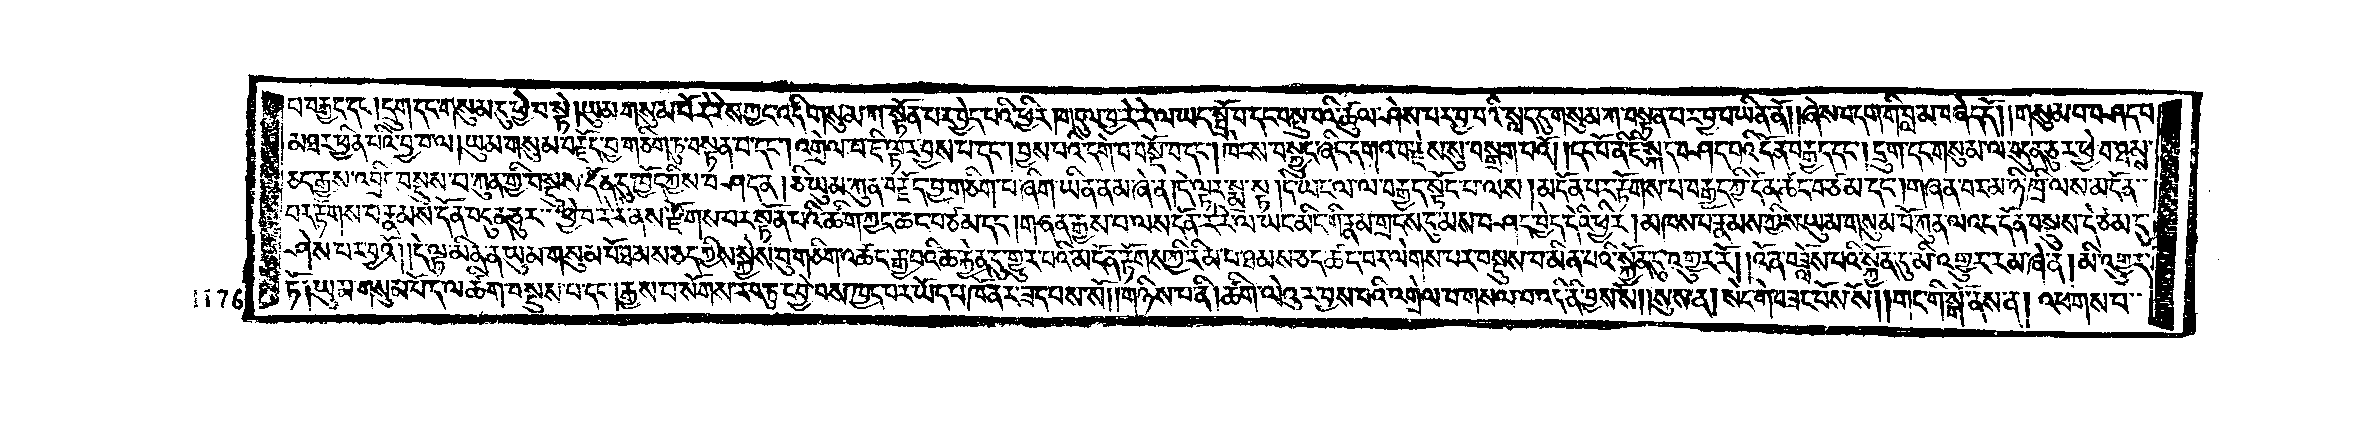པ་བརྒྱད་དང་། དྲུག་དང་གསུམ་དུ་ཕྱེ་བ་སྟེ། ཡུམ་གསུམ་པོ་རེ་རེས་ཀྱང་འདི་གསུམ་ཀ་སྟོན་པར་བྱེད་པའི་ཕྱིར། གདུལ་བྱ་རེ་རེ་ལ་ཡང་སྤྲོ་བ་དང་བསྡུ་བའི་ཚུལ་ཤེས་པར་བྱ་བའི་སླད་དུ་གསུམ་ཀ་བསྟན་པར་བྱ་བ་ཡིན་ནོ། །ཞེས་བདག་གི་བླ་མ་བཞེད་དོ། །གསུམ་པ་བཤད་པ་
མཐར་ཕྱིན་པའི་བྱ་བ་ལ། ཡུམ་གསུམ་བརྗོད་བྱ་གཅིག་ཏུ་བསྟན་པ་དང་། འགྲེལ་བ་ཇི་ལྟར་བྱས་པ་དང་། བྱས་པའི་དགེ་བ་བསྔོ་བ་དང་། ཁེངས་བསྐྱུང་ཞིང་དགའ་བ་རྗེས་སུ་བསྒྲག་པའོ། །དང་པོ་ནི་ཇི་སྐད་བཤད་པའི་དོན་བརྒྱད་དང་། དྲུག་དང་གསུམ་ལ་བདུན་ཅུར་ཕྱེ་བ་ཐམས་
ཅད་རྒྱས་འབྲིང་བསྡུས་པ་ཀུན་གྱི་བསྡུས་དོན་དུ་ཁྱོད་ཀྱིས་བཤད་ན། ཅི་ཡུམ་ཀུན་བརྗོད་བྱ་གཅིག་པ་ཞིག་ཡིན་ནམ་ཞེ་ན། དེ་ལྟར་སྨྲ་སྟེ། དེ་ཡང་ལ་ལ་བརྒྱད་སྟོང་པ་ལས། མངོན་པར་རྟོགས་པ་བརྒྱད་ཀྱི་དོན་ཚང་བ་ཙམ་དང་། གཞན་བར་མ་ཉི་ཁྲི་ལས་མངོན་
དོན་རེ་རེ་ལ་ཡང་མིང་གི་རྣམ་གྲངས་དུ་མས་བཤད་བྱེད་དེའི་སྟོན་པའི་ཚིག་ཀྱང་ཆང་བ་ཙམ་དང་། གཞན་རྒྱས་པ་ལས་དོན་རེ་རེ་ལ་ཡང་མིང་གི་རྣམ་གྲངས་དུ་མས་བཤད་བྱེད་དེའི་ཕྱིར། མཁས་པ་རྣམས་ཀྱིས་ཡུམ་གསུམ་པོ་ཀུན་ལའང་དོན་བསྡུས་དེ་ཙམ་དུ་
ཤེས་པར་བྱའོ། །དེ་ལྟ་མིན་ན་ཡུམ་གསུམ་པོ་ཐམས་ཅད་ཀྱིས་སྐྱེས་བུ་གཅིག་འཚང་རྒྱ་བའི་ཆ་རྐྱེན་དུ་གྱུར་བའི་མངོན་རྟོགས་ཀྱི་རིམ་པ་ཐམས་ཅད་ཚང་བར་ལེགས་པར་བསྡུས་པ་མིན་པའི་སྐྱོན་དུ་འགྱུར་རོ། །འོ་ན་བཟློས་པའི་སྐྱོན་དུ་མི་འགྱུར་རམ་ཞེ་ན། མི་འགྱུར་
ཏོ༑ ཡུམ་གསུམ་པོ་དེ་ལ་ཚིག་བསྡུས་པ་དང་། རྒྱས་པ་སོགས་རབ་ཏུ་དབྱེ་བས་ཁྱད་པར་ཡོད་པ་ཁོ་ནར་ཟད་པས་སོ། །གཉིས་པ་ནི། ཚིག་ལེའུར་བྱས་པའི་འགྲེལ་བ་གསལ་བ་འདི་ནི་བྱས་སོ། །སུས་ན། སེང་གེ་བཟང་པོས་སོ། །གང་གི་སྒོ་ནས་ན། འཕགས་པ་